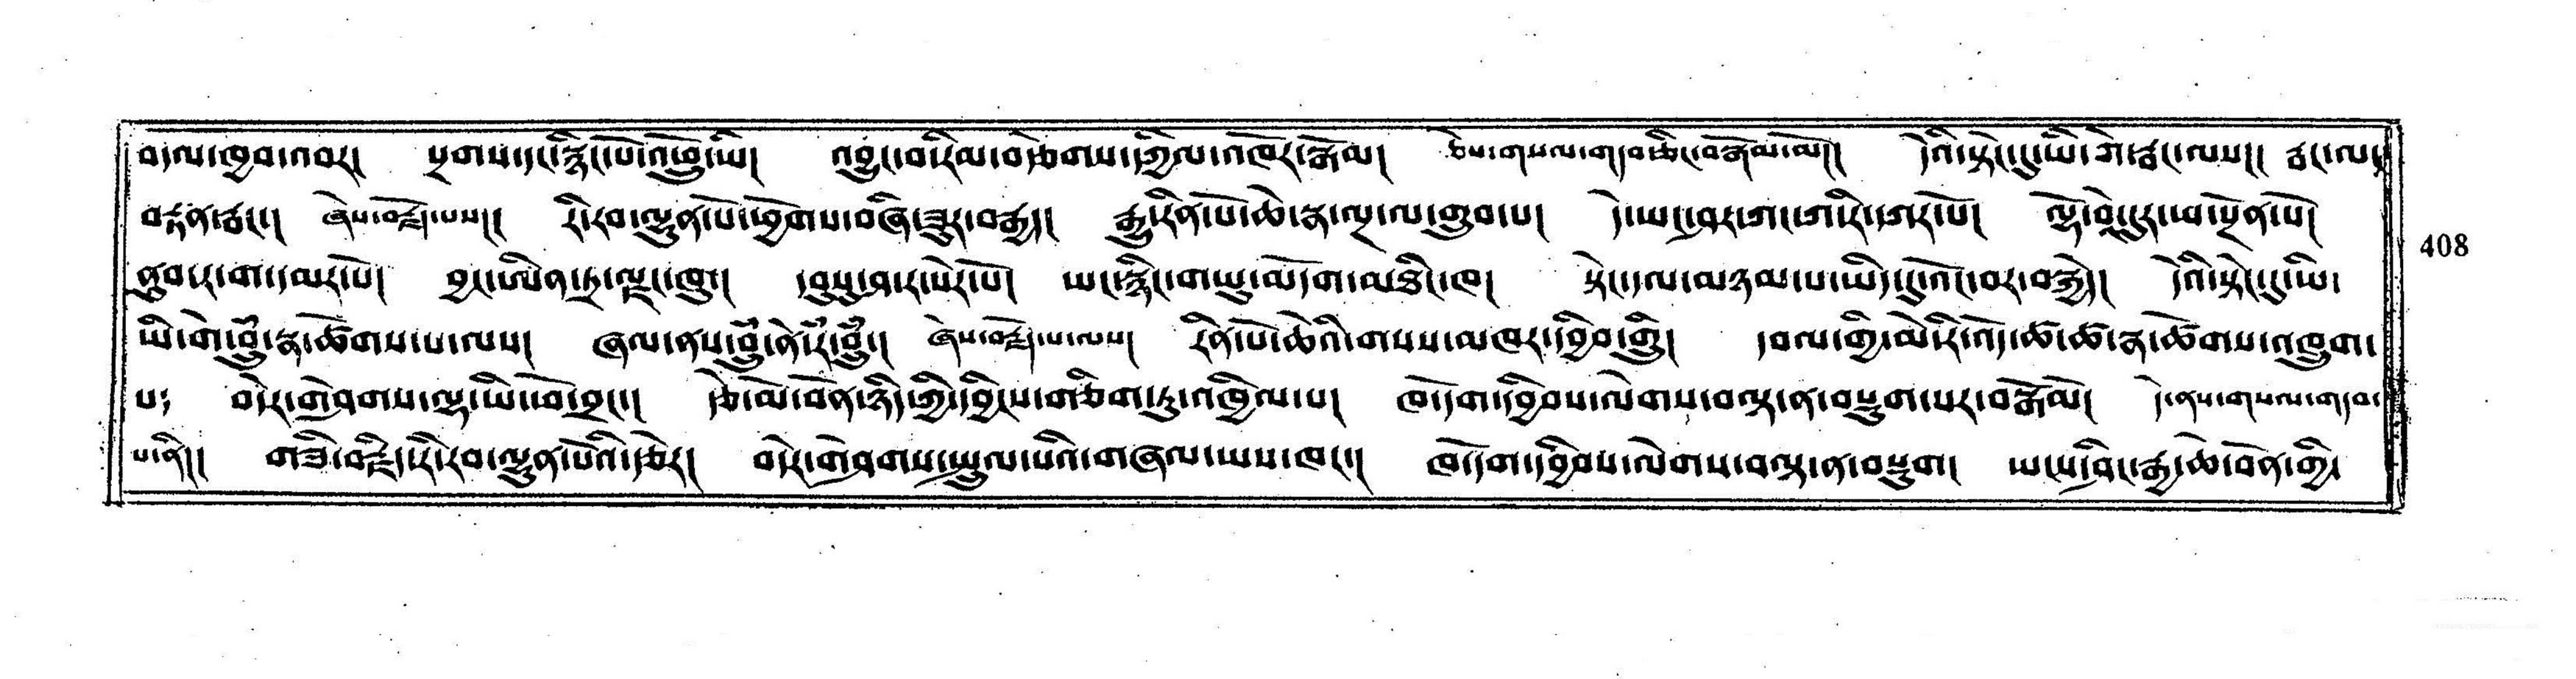བདལ་ཁྱབ་འབར། སྔགས་དང་སྙིང་པོ་འཕྲོ་འདུ་ཡི། འབྱུང་བ་རིམ་བརྩེགས་དཀྱིལ་འཁོར་སྒོམ། ཅེས་གསལ་གདབ་ཅིང་བསྒོམ་མོ།། དེའི་སྟེང་དུ་ཡི་གེ་རྦང་ལས།། རྦང་ལང་
བརྟན་རྦང་། ཞེས་བརྗོད་པས། རི་རབ་ལྷུན་པོ་ཕྱོགས་བཞི་ཟུར་བརྒྱད། རྒྱུ་རིན་པོ་ཆེ་སྣ་ལྔ་ལས་གྲུབ་པ། དེ་ཡང་ཤར་ཀང་ཀ་རི་དཀར་པོ། ལྷོ་བཱེ་དུར་ཡ་སྔོན་པོ། 
ནུབ་ར་ག་དམར་པོ། བྱང་ཨིན་དྲ་ལྗང་ཁུ། དབུས་སུ་ཤ་ར་སེར་པོ། ཡང་སྙིང་གཡུ་མདོག་མཐིང་ཁ། སྟེང་དལ་མཉམ་པ་ཡིད་དུ་འོང་བར་བསྐྱེད།། དེའི་སྟེང་དུ་ཡི་
གེ་བྲུྃ་སྣ་ཚོགས་པ་ལས།། ཞལ་ནས་བྲུྃ་ནེ་རཾ་བྲུྃ། ཞེས་བརྗོད་པ་ལས། རིན་པོ་ཆེའི་གསས་མཁར་དབྱིབ་གྲུ་བཞི། དབལ་གྱི་མེ་རི་འོད་ཚ་ཚ་སྣ་ཚོགས་འཁྲུག་
པ། བདེར་གཤེགས་ལྷ་ཡི་ཕོ་བྲང་། རྩེ་མོ་བོན་ཉིད་ཀྱི་དབྱིངས་གཅིག་ཏུ་འཁྱིལ་པ། ཁ་དོག་དབྱིབས་ལེགས་བལྟ་ན་བསྡུག་པར་བསྒོམ་མོ། དེ་ནས་གསལ་གདབ་
པ་ནི།། གཟི་བརྗིད་རི་རབ་ལྷུན་པོའི་རྩེར།། བདེར་གཤེགས་སྤྲུལ་པའི་གཞལ་ཡས་ཁང་། ཁ་དོག་དབྱིབས་ལེགས་བལྟ་ན་བསྡུག ཡངས་{419}ཤིང་རྒྱ་ཆེ་བོན་གྱི་